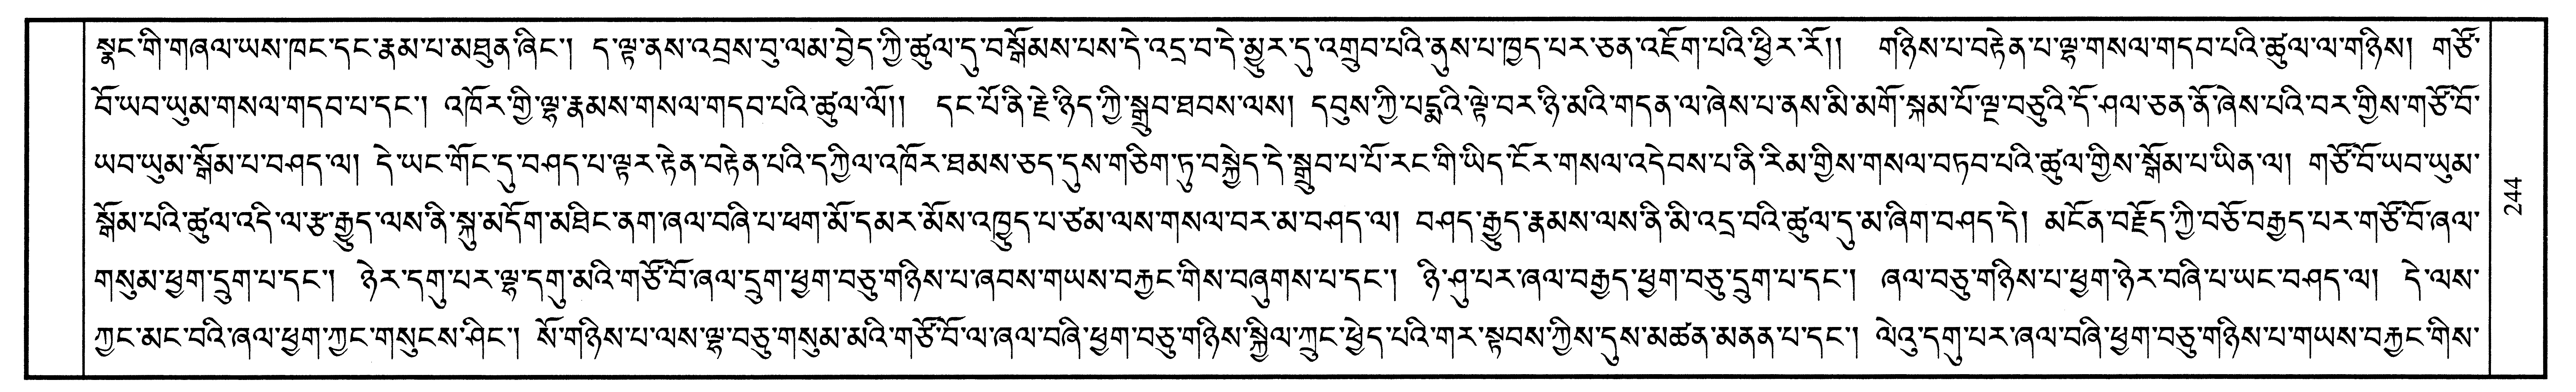སྣང་གི་གཞལ་ཡས་ཁང་དང་རྣམ་པ་མཐུན་ཞིང་། ད་ལྟ་ནས་འབྲས་བུ་ལམ་བྱེད་ཀྱི་ཚུལ་དུ་བསྒོམས་པས་དེ་འདྲ་བ་དེ་མྱུར་དུ་འགྲུབ་པའི་ནུས་པ་ཁྱད་པར་ཅན་འཇོག་པའི་ཕྱིར་རོ། །གཉིས་པ་བརྟེན་པ་ལྷ་གསལ་གདབ་པའི་ཚུལ་ལ་གཉིས། གཙོ་
བོ་ཡབ་ཡུམ་གསལ་གདབ་པ་དང་། འཁོར་གྱི་ལྷ་རྣམས་གསལ་གདབ་པའི་ཚུལ་ལོ།། དང་པོ་ནི་རྗེ་ཉིད་ཀྱི་སྒྲུབ་ཐབས་ལས། དབུས་ཀྱི་པདམའི་ལྟེ་བར་ཉི་མའི་གདན་ལ་ཞེས་པ་ནས་མི་མགོ་སྐམ་པོ་ལྔ་བཅུའི་དོ་ཤལ་ཅན་ནོ་ཞེས་པའི་བར་གྱིས་གཙོ་བོ་
ཡབ་ཡུམ་སྒོམ་པ་བཤད་ལ། དེ་ཡང་གོང་དུ་བཤད་པ་ལྟར་རྟེན་བརྟེན་པའི་དཀྱིལ་འཁོར་ཐམས་ཅད་དུས་གཅིག་ཏུ་བསྐྱེད་དེ་སྒྲུབ་པ་པོ་རང་གི་ཡིད་ངོར་གསལ་འདེབས་པ་ནི་རིམ་གྱིས་གསལ་བཏབ་པའི་ཚུལ་གྱིས་སྒོམ་པ་ཡིན་ལ། གཙོ་བོ་ཡབ་ཡུམ་
སྒོམ་པའི་ཚུལ་འདི་ལ་རྩ་རྒྱུད་ལས་ནི་སྐུ་མདོག་མཐིང་ནག་ཞལ་བཞི་པ་ཕག་མོ་དམར་མོས་འཁྱུད་པ་ཙམ་ལས་གསལ་བར་མ་བཤད་ལ། བཤད་རྒྱུད་རྣམས་ལས་ནི་མི་འདྲ་བའི་ཚུལ་དུ་མ་ཞིག་བཤད་དེ། མངོན་བརྗོད་ཀྱི་བཅོ་བརྒྱད་པར་གཙོ་བོ་ཞལ་
གསུམ་ཕྱག་དྲུག་པ་དང་། ཉེར་དགུ་པར་ལྷ་དགུ་མའི་གཙོ་བོ་ཞལ་དྲུག་ཕྱག་བཅུ་གཉིས་པ་ཞབས་གཡས་བརྐྱང་གིས་བཞུགས་པ་དང་། ཉི་ཤུ་པར་ཞལ་བརྒྱད་ཕྱག་བཅུ་དྲུག་པ་དང་། ཞལ་བཅུ་གཉིས་པ་ཕྱག་ཉེར་བཞི་པ་ཡང་བཤད་ལ། དེ་ལས་
ཀྱང་མང་བའི་ཞལ་ཕྱག་ཀྱང་གསུངས་ཤིང་། སོ་གཉིས་པ་ལས་ལྷ་བཅུ་གསུམ་མའི་གཙོ་བོ་ལ་ཞལ་བཞི་ཕྱག་བཅུ་གཉིས་སྐྱིལ་ཀྲུང་ཕྱེད་པའི་གར་སྟབས་ཀྱིས་དུས་མཚན་མནན་པ་དང་། ལེའུ་དགུ་པར་ཞལ་བཞི་ཕྱག་བཅུ་གཉིས་པ་གཡས་བརྐྱང་གིས་